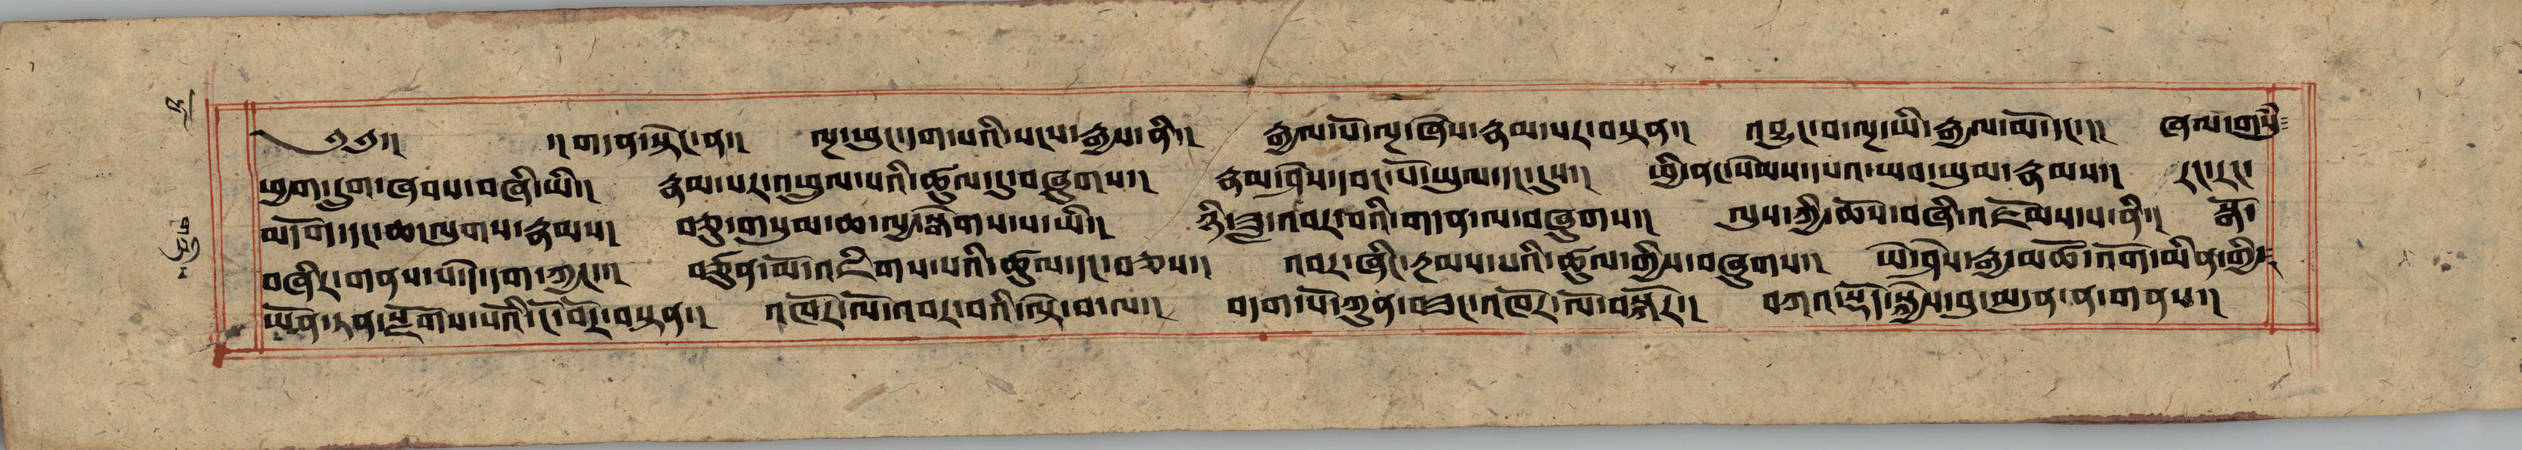༄༅་། ་།གདན་སྟེང་ན་། ལྔ་ཕུང་དག་པའི་སངས་རྒྱས་ནི་། རྒྱལ་པོ་ལྔ་ཞེས་རྣམ་པར་བསྟན་། འབྱུང་བ་ལྔ་ཡི་རྒྱལ་མོ་དང་།། ཞལ་གསུཾ
ཕྱག་དྲུག་ཞབས་བཞི་ཡི་། རྣམ་པར་འཕྲུལ་པའི་ཚུལ་དུ་བཞུགས་། རྣམ་ཤེས་དབང་པོ་ཡུལ་དང་དུས་། ཕྱི་ནང་སེམས་དཔའ་ཡབ་ཡུམ་རྣམས་། རང་རང་
མདོག་དང་ཆ་ལུགས་རྣམས། བཅུ་གསུམ་ཆ་ལྱ་སྒེགས་པ་ཡི་། ཉི་ཟླ་འབར་བའི་གདན་ལ་བཞུགས་། ལུས་ཀྱི་ཆོས་བཞི་འཛོམས་པ་ནི་། སྒོ་
བཞིར་གནས་པ་དེ་དག་ཀྱང་་། བཙུན་མོ་འཇིག་པའི་ཚུལ་དང་བཅས་། འབར་ཞིང་རྔམས་པའི་ཚུལ་གྱིས་བཞུགས་། ཡེ་ཤེས་རྒྱ་མཚོ་འོག་མིན་གྱི་
ཡོན་ཏན་སྫོགས་པོའི་ངོ་བོར་བསྟན་། འཁོར་ལོ་འབར་བའི་ལྟེ་བ་ལ་། བདག་པོ་ཀུན་བཟང་འཁོར་ལོ་བསྐོར་། བཀའ་སྡོད་སྐྱེས་བུ་མདུན་ན་གནས་།